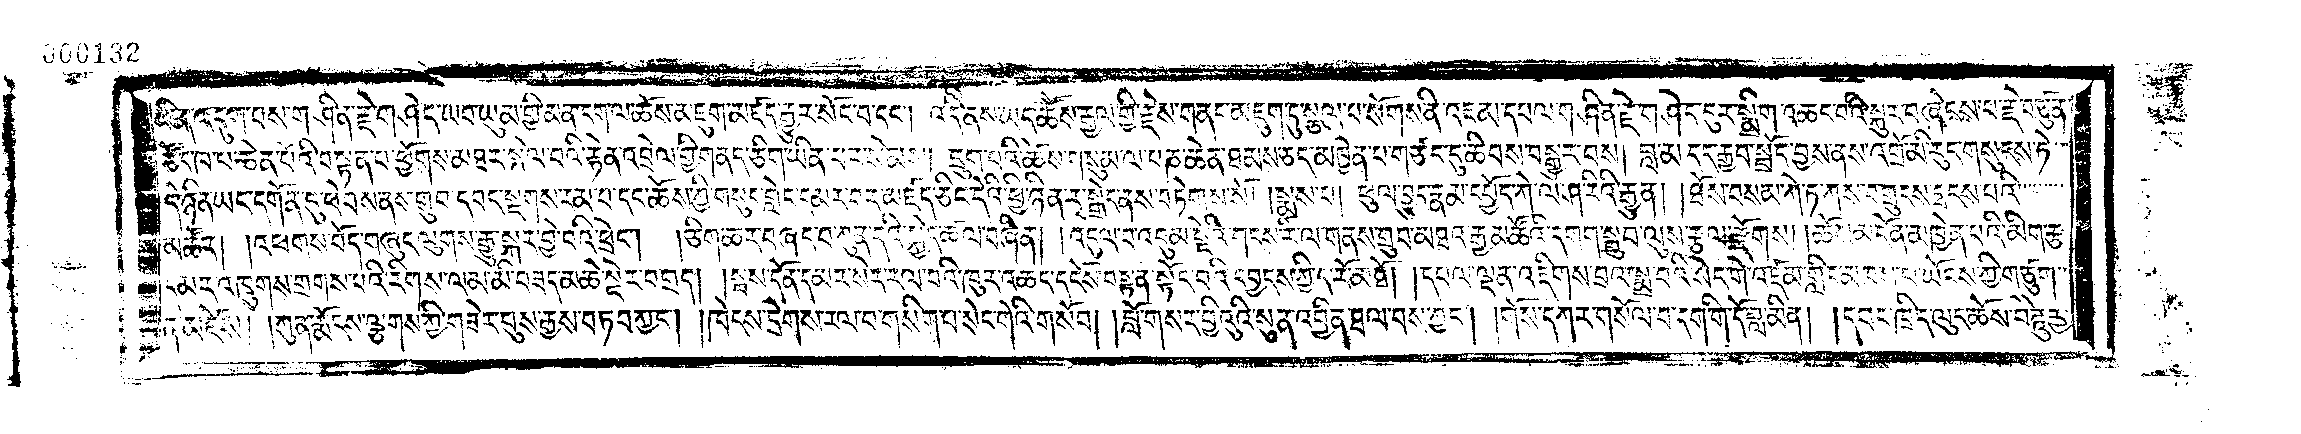ཡིན་འདུག་པས་གཤིན་རྗེ་གཤེད་ཡབ་ཡུམ་གྱི་མན་ངག་ལ་ཆོས་མཇུག་མཛད་རྒྱུར་སོང་བ་དང་། འདི་ནས་ཡང་ཆོས་རྒྱལ་གྱི་རྗེས་གནང་མཇུག་ཏུ་སྩལ་པ་སོགས་ནི་འཇམ་དཔལ་གཤིན་རྗེ་གཤེད་དུར་སྨྲིག་འཆང་བའི་སྐུར་བཞེངས་པ་རྗེ་བཙུན་
ཙོང་ཁ་པ་ཆེན་པོའི་བསྟན་པ་ཕྱོགས་མཐར་སྤེལ་བའི་རྟེན་འབྲེལ་གྱི་གནད་ཅིག་ཡིན་པར་སེམས། དྲུག་པའི་ཚེས་གསུམ་ལ་པཎ་ཆེན་ཐམས་ཅད་མཁྱེན་པ་གཙང་དུ་ཆིབས་བསྒྱུར་བས། བླ་མ་དང་རྒྱབ་སྤྲོད་བྱས་ནས་འགྲོ་མི་རུང་གསུངས་ཏེ་
དེ་ཉིན་ཡང་དགོན་དུ་ཕེབས་ནས་གྲུབ་དབང་སྔགས་རམ་པ་དང་ཆོས་ཀྱི་གསུང་གླེང་དམར་བར་མཛད་ཅིང་དེའི་ཕྱི་ཉིན་རྭ་སྒྲེང་ནས་བཏེགས་སོ། །སྨྲས་པ། ཕུལ་བྱུང་རྣམ་དཔྱོད་ཀེ་ལ་ཤ་རིའི་རྒྱུན། །ཐོས་བསམ་ཀེ་ཏ་ཀས་བགྲུངས་དྭངས་པའི་
མཚོར། །འཕགས་བོད་གཞུང་ལུགས་རྒྱུ་སྐར་བྱེ་བའི་ཕྲེང་། །ཅིག་ཆར་བཞད་བ་ཀུན་དའི་སྐྱེད་ཚུལ་བཞིན། །འདུལ་བ་འབུམ་སྡེའི་གངས་རི་ལ་གནས་གྲུབ་མཐའ་རྒྱ་མཚོའི་དགག་སྒྲུབ་ལུས་རྩལ་རྫོགས། །ཆོས་མངོན་མཁྱེན་པའི་མིག་རྩ་
དམར་འཁྲུགས་གྲགས་པའི་རིགས་ལམ་མི་བཟད་མཆེ་སྡེར་བགྲད། །སྦས་དོན་དམར་སེར་རལ་བའི་ཁུར་འཆང་དངོས་བསྟན་སྟོང་པའི་དབྱངས་ཀྱི་ང་རོ་མཐོ། །དཔལ་ལྡན་འཇིགས་བྲལ་སྨྲ་བའི་སེང་གེ་འཛམ་གླིང་མཁས་པ་ཡོངས་ཀྱི་གཙུག་
ན་མཛེས། །ཀུན་རྨོངས་ལྕགས་ཀྱི་གཟེར་བུས་རྒྱས་བཏབ་ཀྱང་། །ཁེངས་དྲེགས་རལ་བ་གསིག་པ་སེང་གེའི་གསོབ། །བློ་གསར་བྱིའུའི་སུན་འབྱིན་ཐལ་བས་ཀྱང་། །གོས་དཀར་གསོལ་བ་དག་གི་དོ་ཟླ་མིན། །དབང་ཁྲིད་ལུང་ཆོས་བཻཌཱུརྱ་